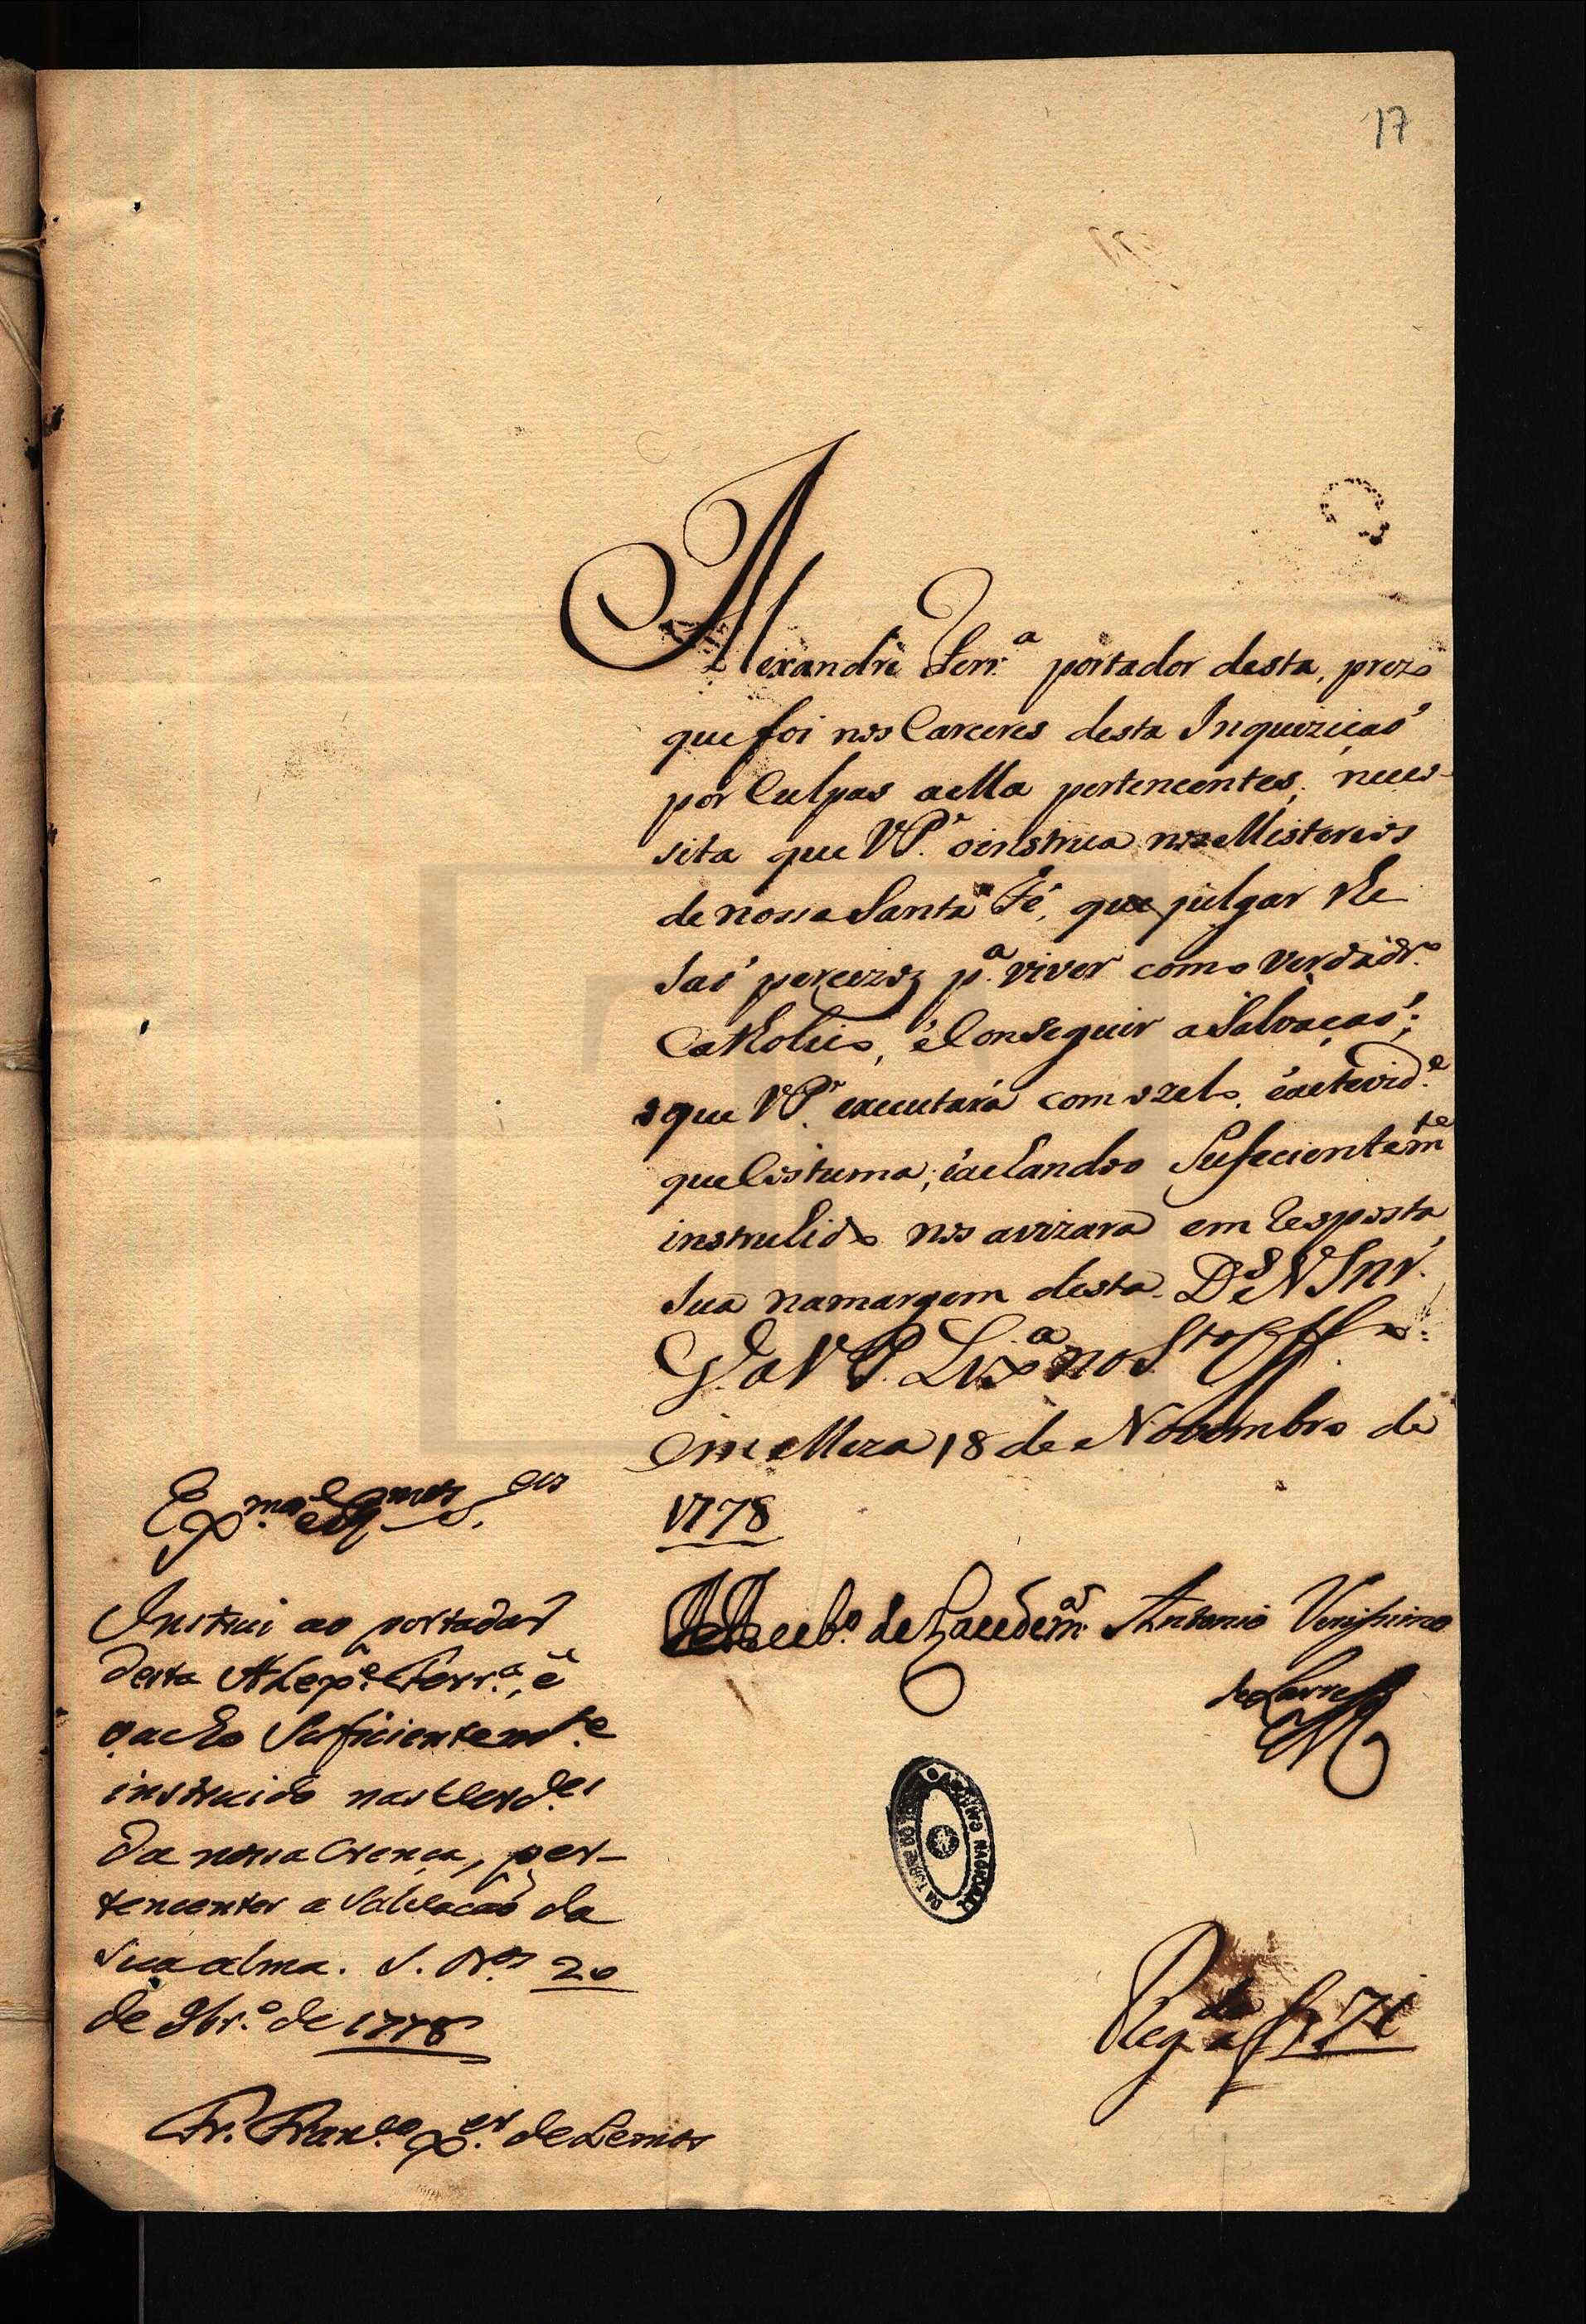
Alexandre Ferr.a portador desta, prezo
que foi nos Carceres desta Inquiziçaõ
por Culpas a ella pertencentes; neces
sita que V P.e o instrua nos Misterios
de nossa Santa Fé, que julgar lhe
saõ percizos p.a viver como verdadr.o
Catholico, e Conseguir a Salvaçaõ;
o que V P.e executara com o zelo, e actevid.e
que Costuma; e achandoo Sufecientem.te
instruhido nos avizara em Resposta
sua na margem desta. Ds N Snr̄.
G.e a V P. Lix.a no S.to Off.o:
em Meza 18 de Novembro de
Ex.mo e R.mos S.es
1778
Instrui ao portadar
A Arceb.o de Lacedem.a Antonio Verissimo
desta Alex.e Ferr.a, e
de Larre
o acho suficientem.te
instruido nas verd.es
da nossa crença, per
tencentes a salvaçaõ da
sua alma. S. N.os 20
de 9br.o de 1778
Reg a fl 7i
Fr. Fran.co x.er de Lemos
